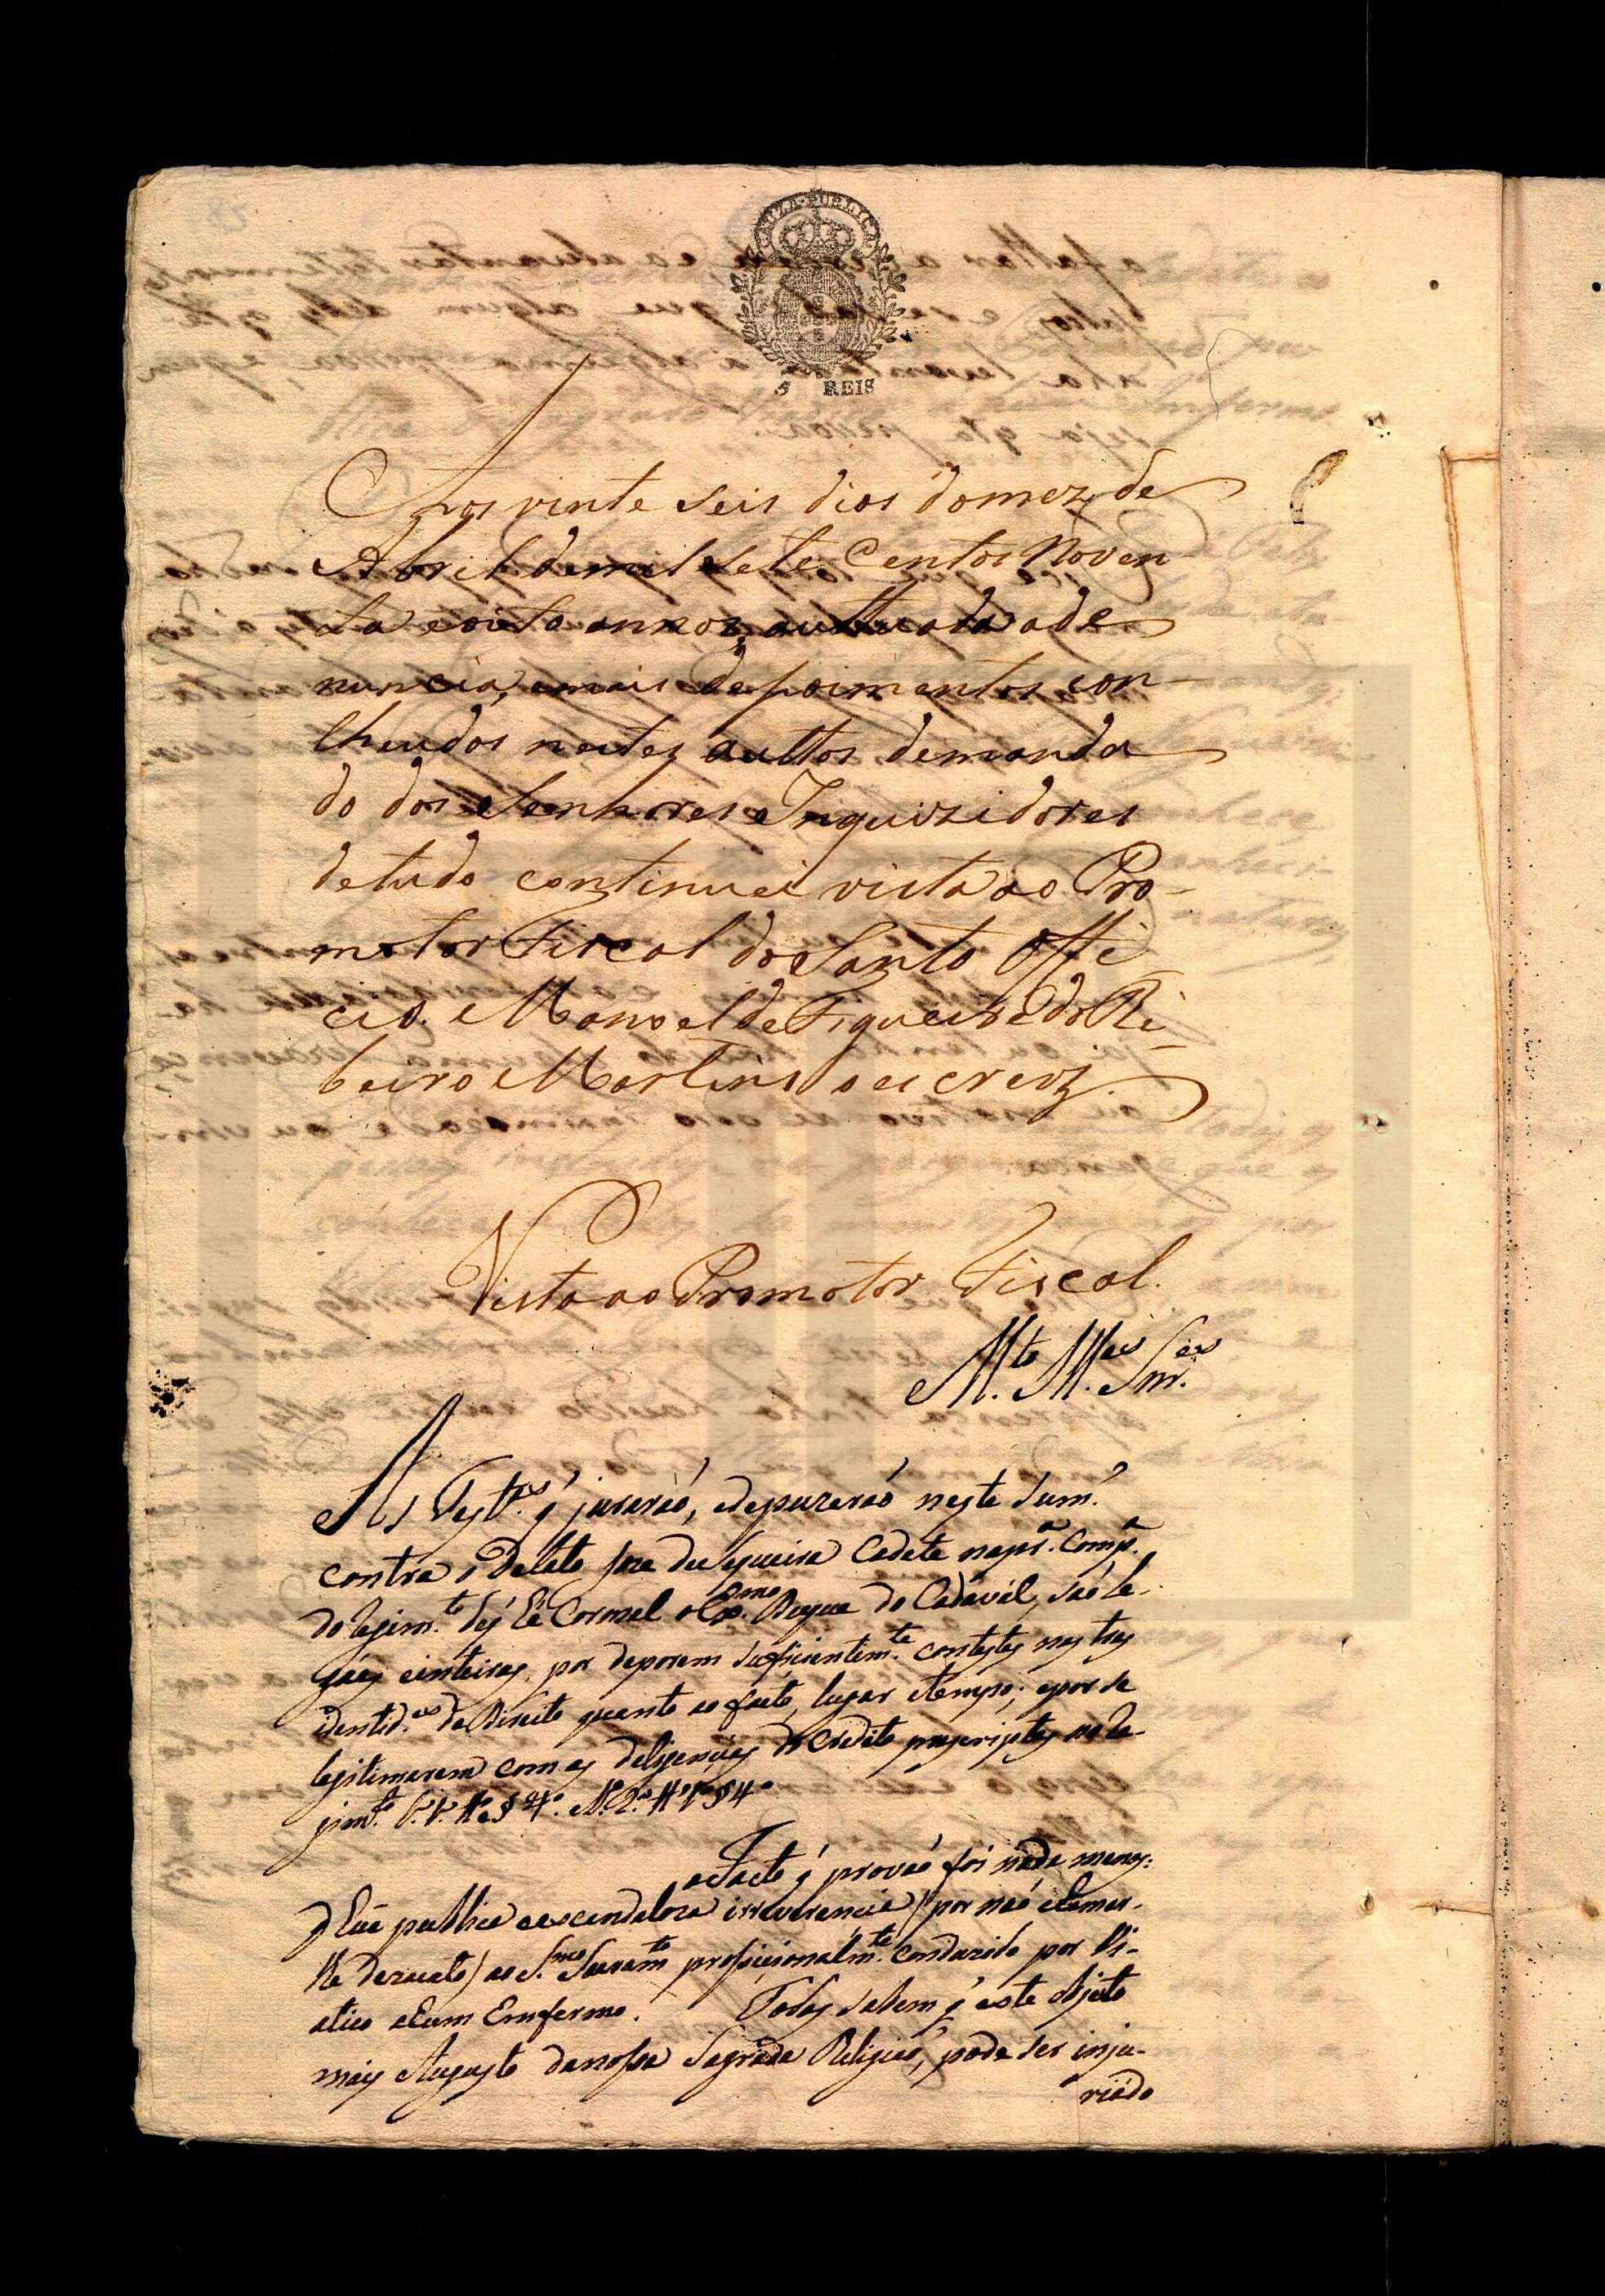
Aos vinte seis dias do mez de
Abril de mil seteCentos Noven
ta e oito annos, auttuada a de
nuncia, e mais depoimentos con
theudos nestes auttos demanda
do dos Senhores Inquizidores
de tudo continuei vista ao Pro
motor Fiscal do Santo Offi
cio. Manoel de Figueiredo Ri
beiro Martins o escrevj.
Visto ao Promotor Fiscal.
M.to Ill.es Snr.es
As Test.as q̄ juraraõ, e depuzeraõ neste Sum̄.o
contra o delato Joze de Sequeira Cadete na pr.a comp.a
do Regim.to de q̄ hé Coronel o Ex.mo Duque do Cadavál, saõ le
gáes e inteiras, por deporem suficientem.te contestas nas tres
identid.es do Direito quanto ao facto, lugar e tempo; e por se
legitimarem com as deligençias do credito prescriptas no Re
gim.to l.o 1.o tte § 4.o N.o 2.o tt.o 1o § 4o
o Facto q̄ provaõ foi nada menos:
q̄ huā publica e excandaloza irreverencia/ por naõ chamar
lhe dezacato / ao S.mo Sacram.to prossiçionalm.te conduzido por Vi
atico e hum Emfermo. Todos sabem q̄ este objeto
mais Augusto da nossa Sagrada Religiaõ, pode ser inju
riádo
